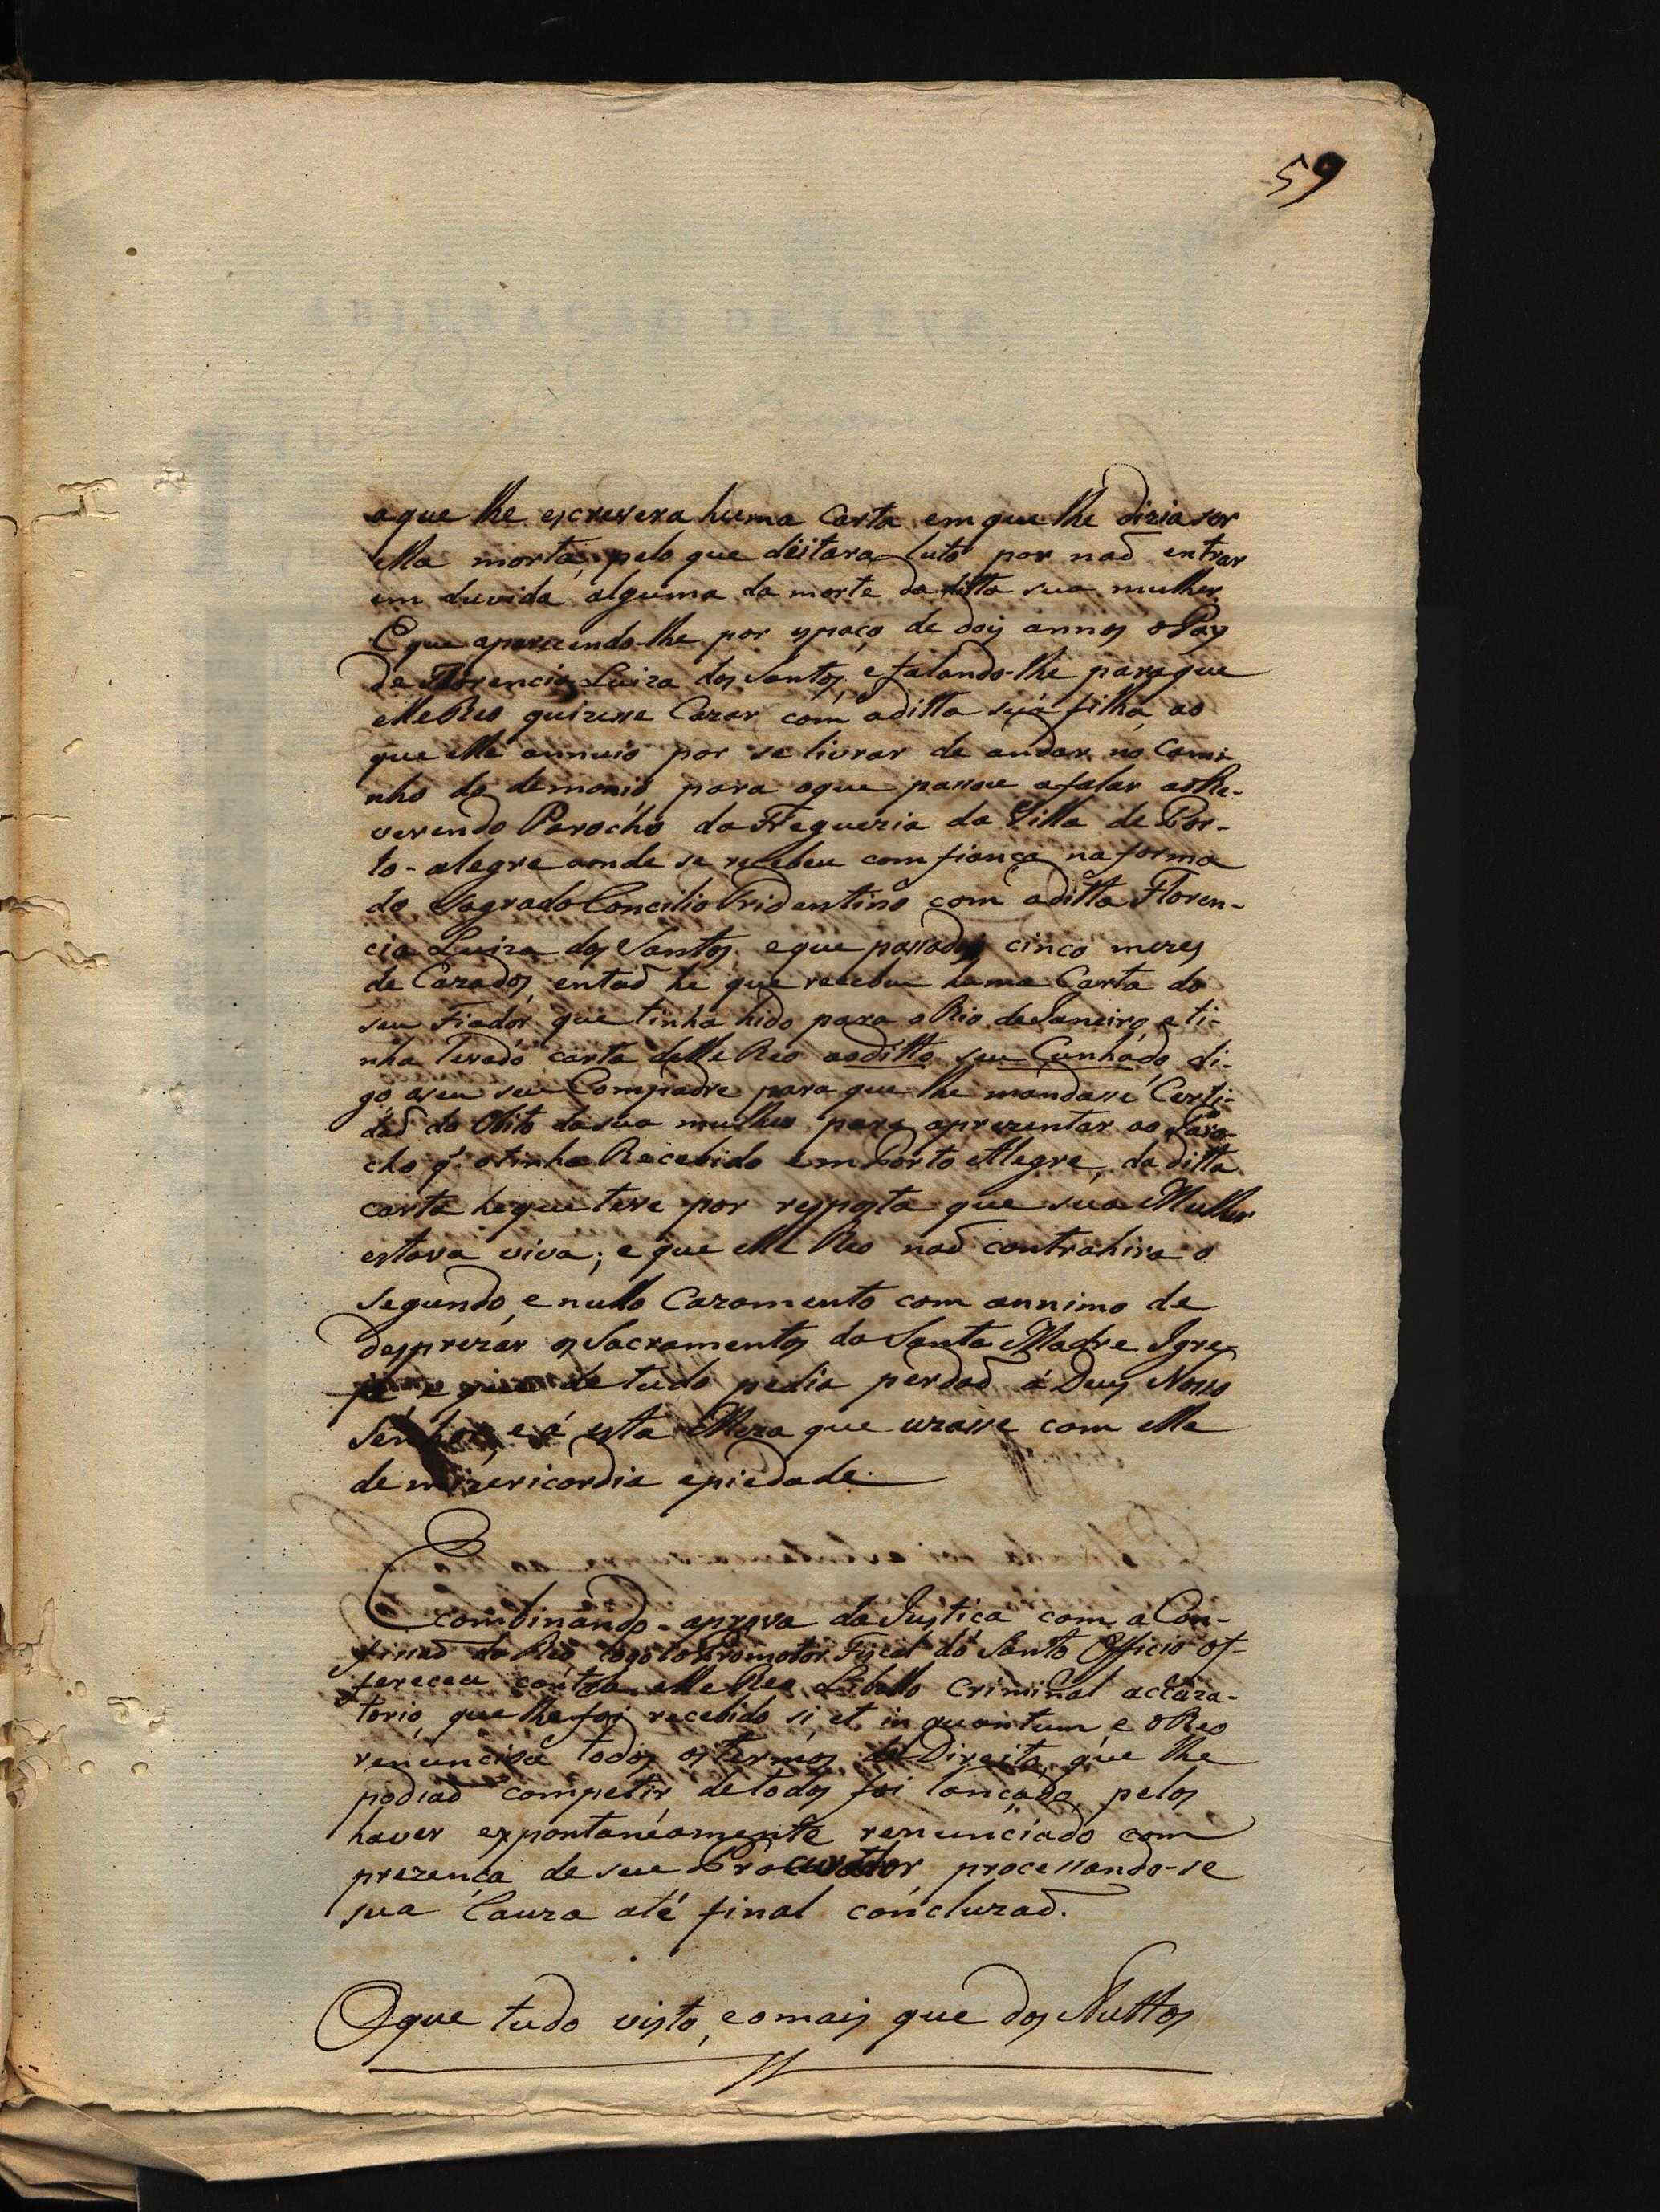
o que lhe escrevera huma carta em que lhe dizia ser
ella morta, pelo que deitara luto por naõ entrar
em duvida alguma da morte da ditta sua mulher
E que aparecendo-lhe por espaço de dois annos o Pay
de Florencia Luiza dos Santos, e falando-lhe para que
elle Reo quizesse Cazar com a ditta suá filha, ao
que elle annuio por se livrar de andar no Cami
nho do demonio, para o que passou a falar ao Re
verendo Parocho da Freguezia da Villa de Por
to alegre aonde se recebeu com fiança na forma
do sagrado Concilio Tridentino com a ditta Floren
cia Luiza dos Santos; e que passad_ cinco mezes
de Cazados, entaõ he que recebeu huma Carta do
seu Fiador, que tinha hido para o Rio de Ianeiro, e ti
nha levado carta delle Reo ao ditto seu Cunhado, di
go, a seu seu Compadre para que lhe mandasse Certi
daõ do Obito da sua mulher para aprezentar ao Paro
cho q̄ o tinha Recebido em Porto Alegre, da ditta
carta he que teve por resposta que sua Mulher
estava viva; e que elle Reo naõ contrahira o
segundo, e nulo Cazamento com annimo de
desprezar os sacramentos da Santa Madre Igreja
j_ e _ de tudo pedia perdaõ á Deus Nosso
Senhor, e á esta Meza que uzasse com elle
de mizericordia e piedade
E combinando a prova da Justiça com a Con
fissaõ do Reo, logo o Promotor Fiscal do Santo Officio of
fereceu contra elle Reo Libello criminial accuza
torio, que lhe foi recebido si, et in quantum, e o Reo
renunciou todos os termos de Direito, que lhe
podiaõ competir, de todos foi lançado, pelos
haver expontaneamente renunciado com
prezença de seu Procurador, processando-se
sua Cauza até final concluzaõ.
O que tudo visto, e o mais que dos Auttos
